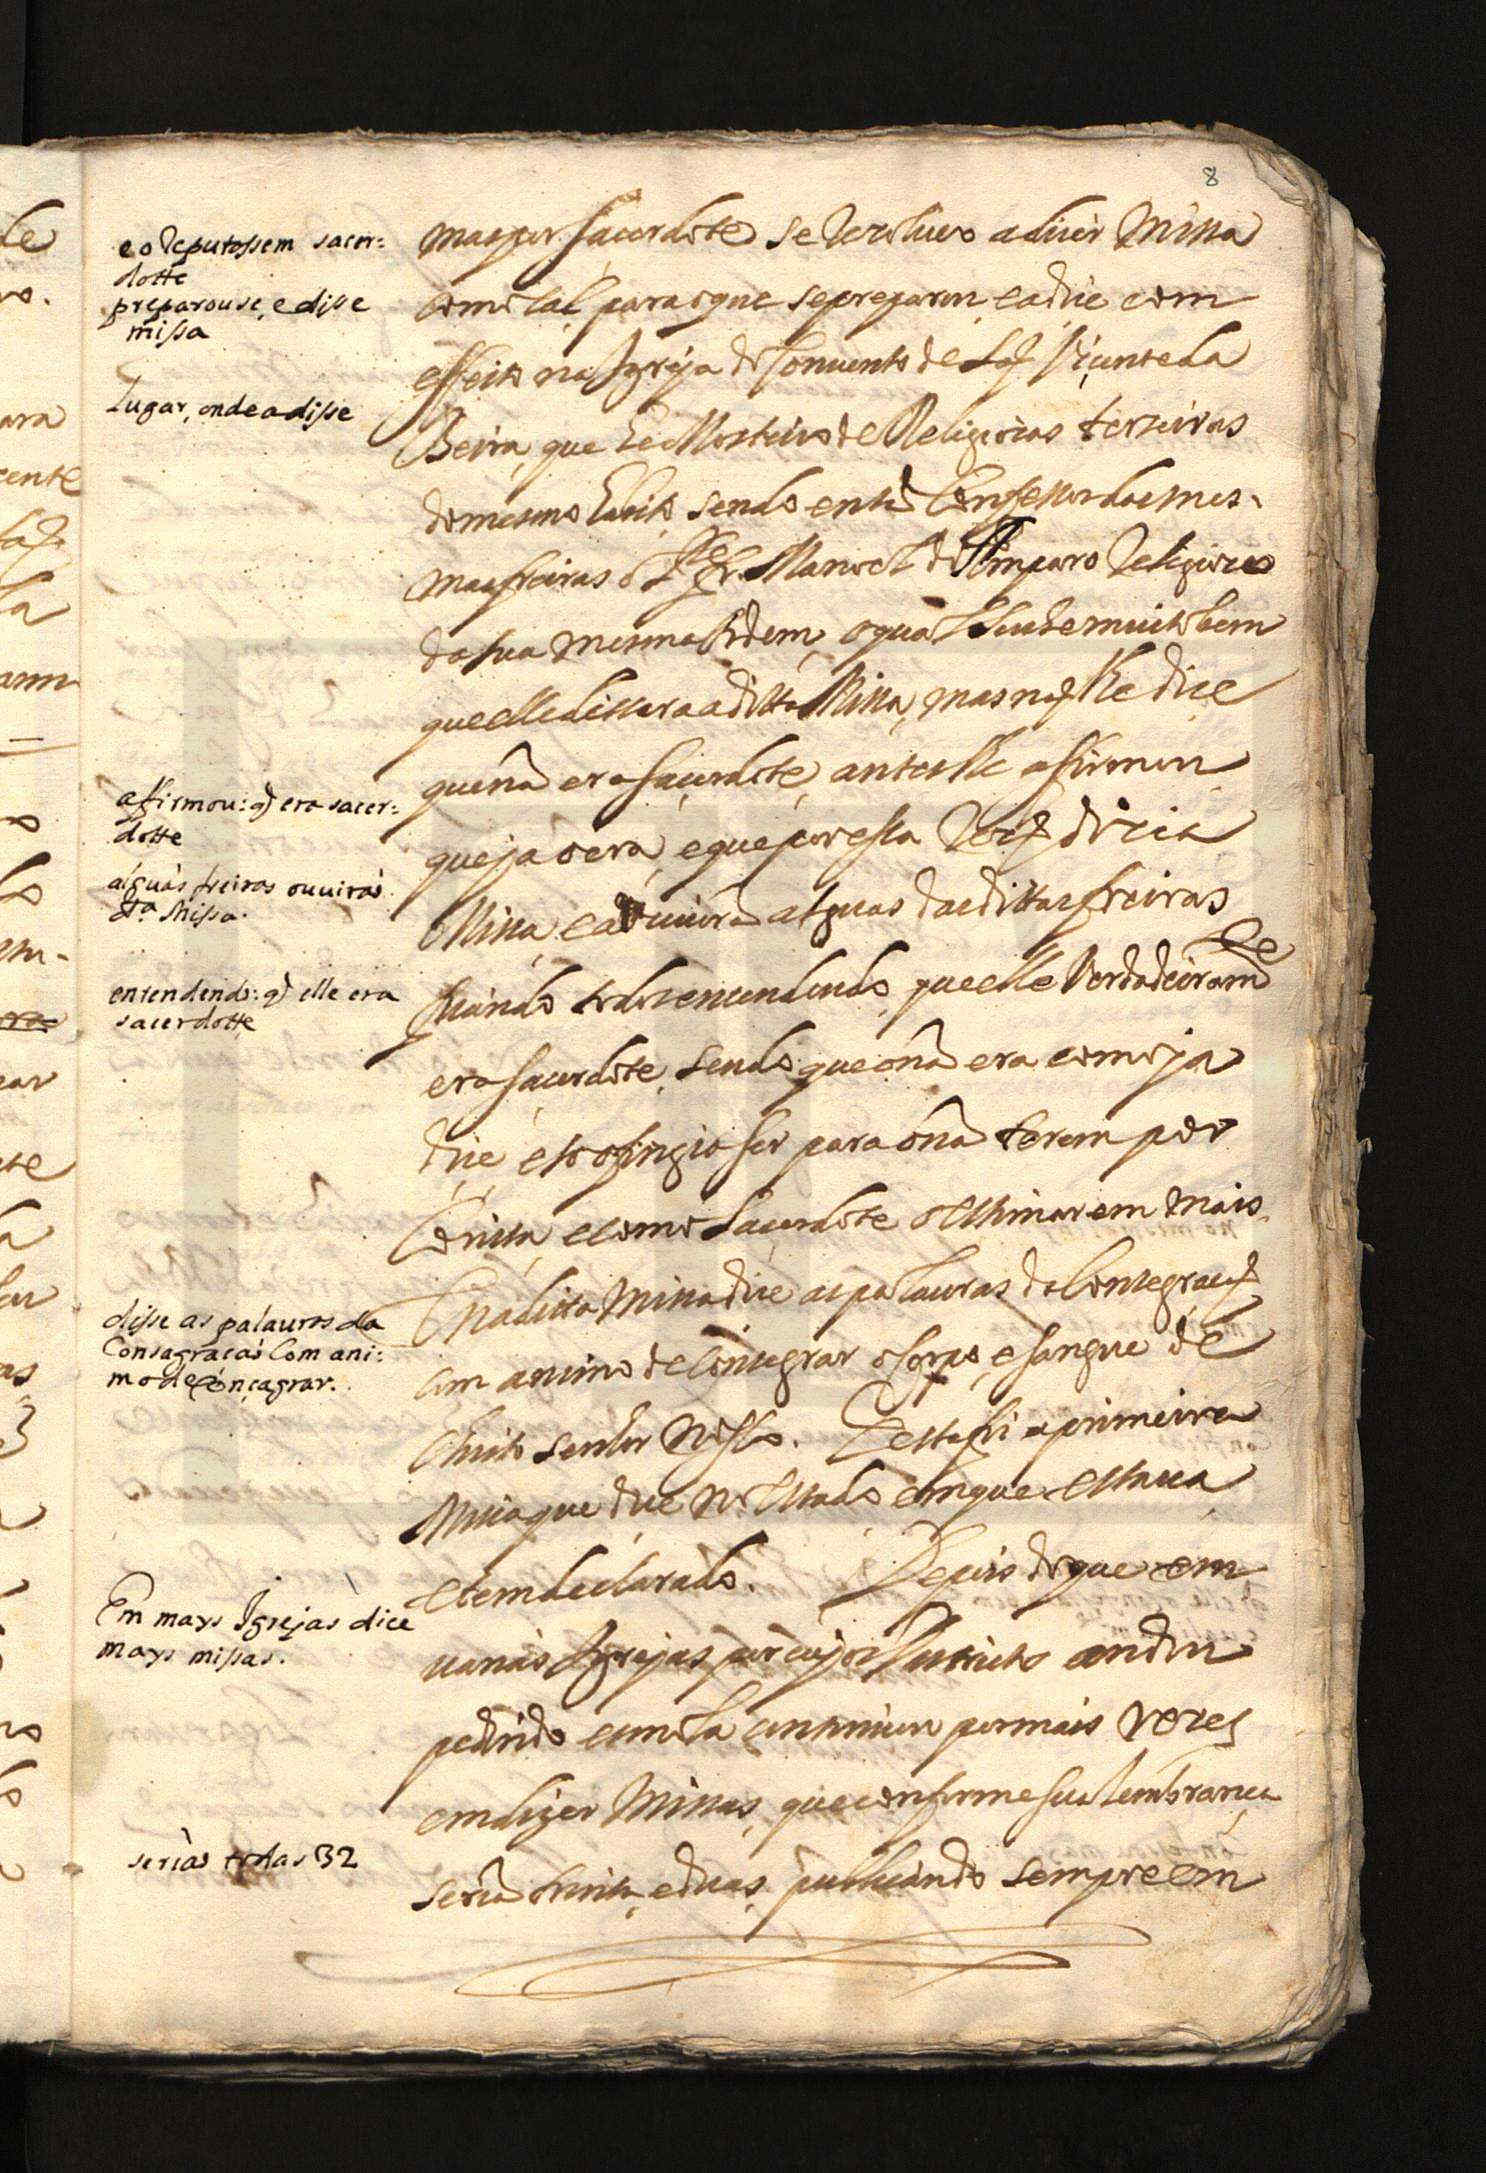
e o Reputassem sacer
dotte
preparouse, e disse
missa
Lugar, onde a disse
affirmou: q̄ era sacer
dotte
alguās freiras ouuiraõ
d̄.a missa.
entendendo: q̄ elle era
sacerdotte
disse as palauras da
Consagraçaõ com ani
mo de Conçagrar.
Em mays Igrejas dice
mays missas.
serião todas 32
mas por sacerdote se Rezolueo a dizer missa
como tal, para o que se preparou, e a diçe com
effeito na Igreja do Conuento de Saõ Viçente da
Beira, que he Mosteiro de Religiozas terseiras
do mesmo habito, sendo entaõ Confessor das mes
mas freiras o Pe fr. ManoeL do Amparo Religiozo
da sua mesma Ordem, o qual soube muito bem
que elle dissera a ditta Missa, mas naõ lhe diçe
que não era saçerdote, antes lhe affirmou
que ja o era, e que por essa Rezaõ dizia
Missa, e a _uuirão alguas das dittas freiras
ficando todos entendendo, que elle verdadeiramte
era saçerdote, sendo que o não era como ja
diçe, e so o fingio ser para o não terem por
Corista, e como Saçerdote o estimarem mais
E na ditta missa diçe as palauras da Consegraçaõ
com animo de consegrar o Corpo, e sangue de
Christo senhor nosso. E esta foi a primeira
Missa que diçe no estado em que estaua,
e tem declarado. Depois do que em
uarias Igrejas por cujos Destrictos andou
pedindo esmola continuou por mais vezes
em dizer missas, que conforme sua Lembrança
serão trinta, e duas, publicando sempre em
